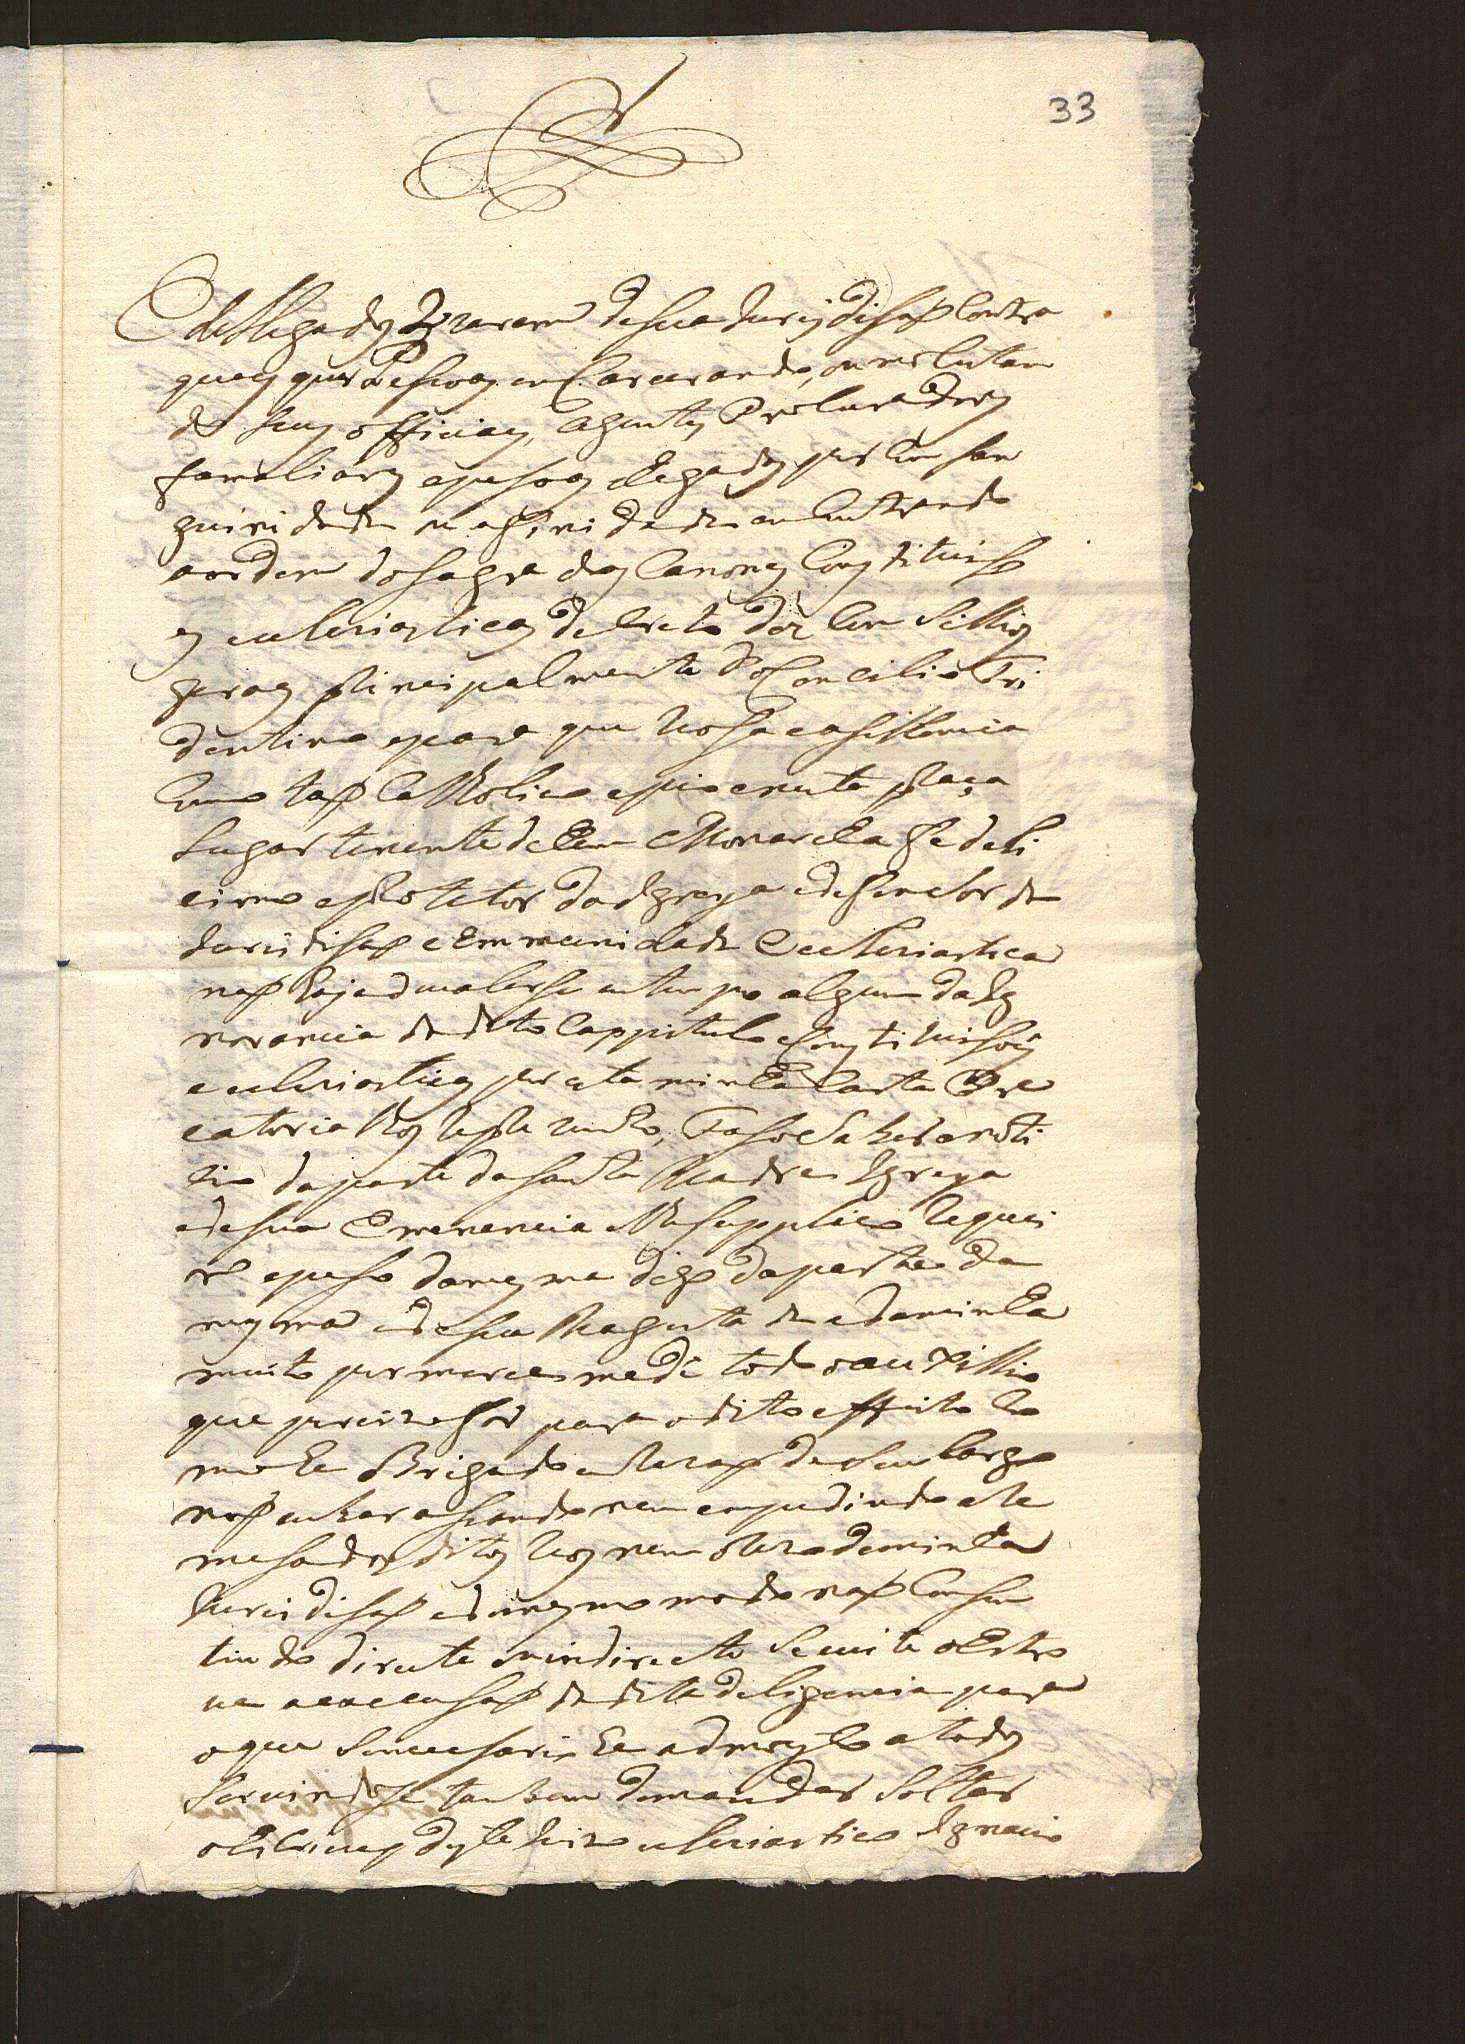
E dellegados dizarem de sua Iurisdisaõ Contra
quaesquer pessoas enCarcerando, ou reCutam
do seus officiaes, agentes ProCuradores
familiares e pesoas chegados por Comsan
guinidade ou afinidade ou Contrato
a ordem do sagrados Canones Constituiso
es eccleziasticas deCreto dos ConSillios
geraes pRincipalmente Do Concilio Tri
dentino e para que Vosa exsellencia
Como taõ Catholico e pio e nesta pRaça
Lugar tenente de hum Monarcha fedeli
cimo e pRotetor da Igreya e de senhor de
Iurisdisaõ e Emmunidade eccleziastica
naõ hoje de ualerse en tempo algum da Ig
norancia do dito Cappitulo e Constituisoẽs
eccleziasticas por esta minha Carta Pre
catoria lhos Reprezento, Faso Saber o noti
tio da parte da santa Madre Igreya
e de sua Emenencia e lhe supplico Requei
ro e pesso da mesma digo da parte da
mesma e de sua Magestade e da minha
muito per merce me dê todo o auxillio
que precizo for para o dito effeito co
mo he obrigado a Razaõ de Seu Cargo
naõ enbarassando nem empedindo a Re
mesa dos ditos Reos nem o Vzo de minha
Iurisdisaõ e do mesmo modo naõ Consen
tindo directo ou indirecto Se euite o Estro
ua a execusaõ da dita deligencia para
o que se necesario he admoesto a todos
seruindose tambem de mandar soltar
o EsCriuy deste Iuizo ecleziastico Ignacio
